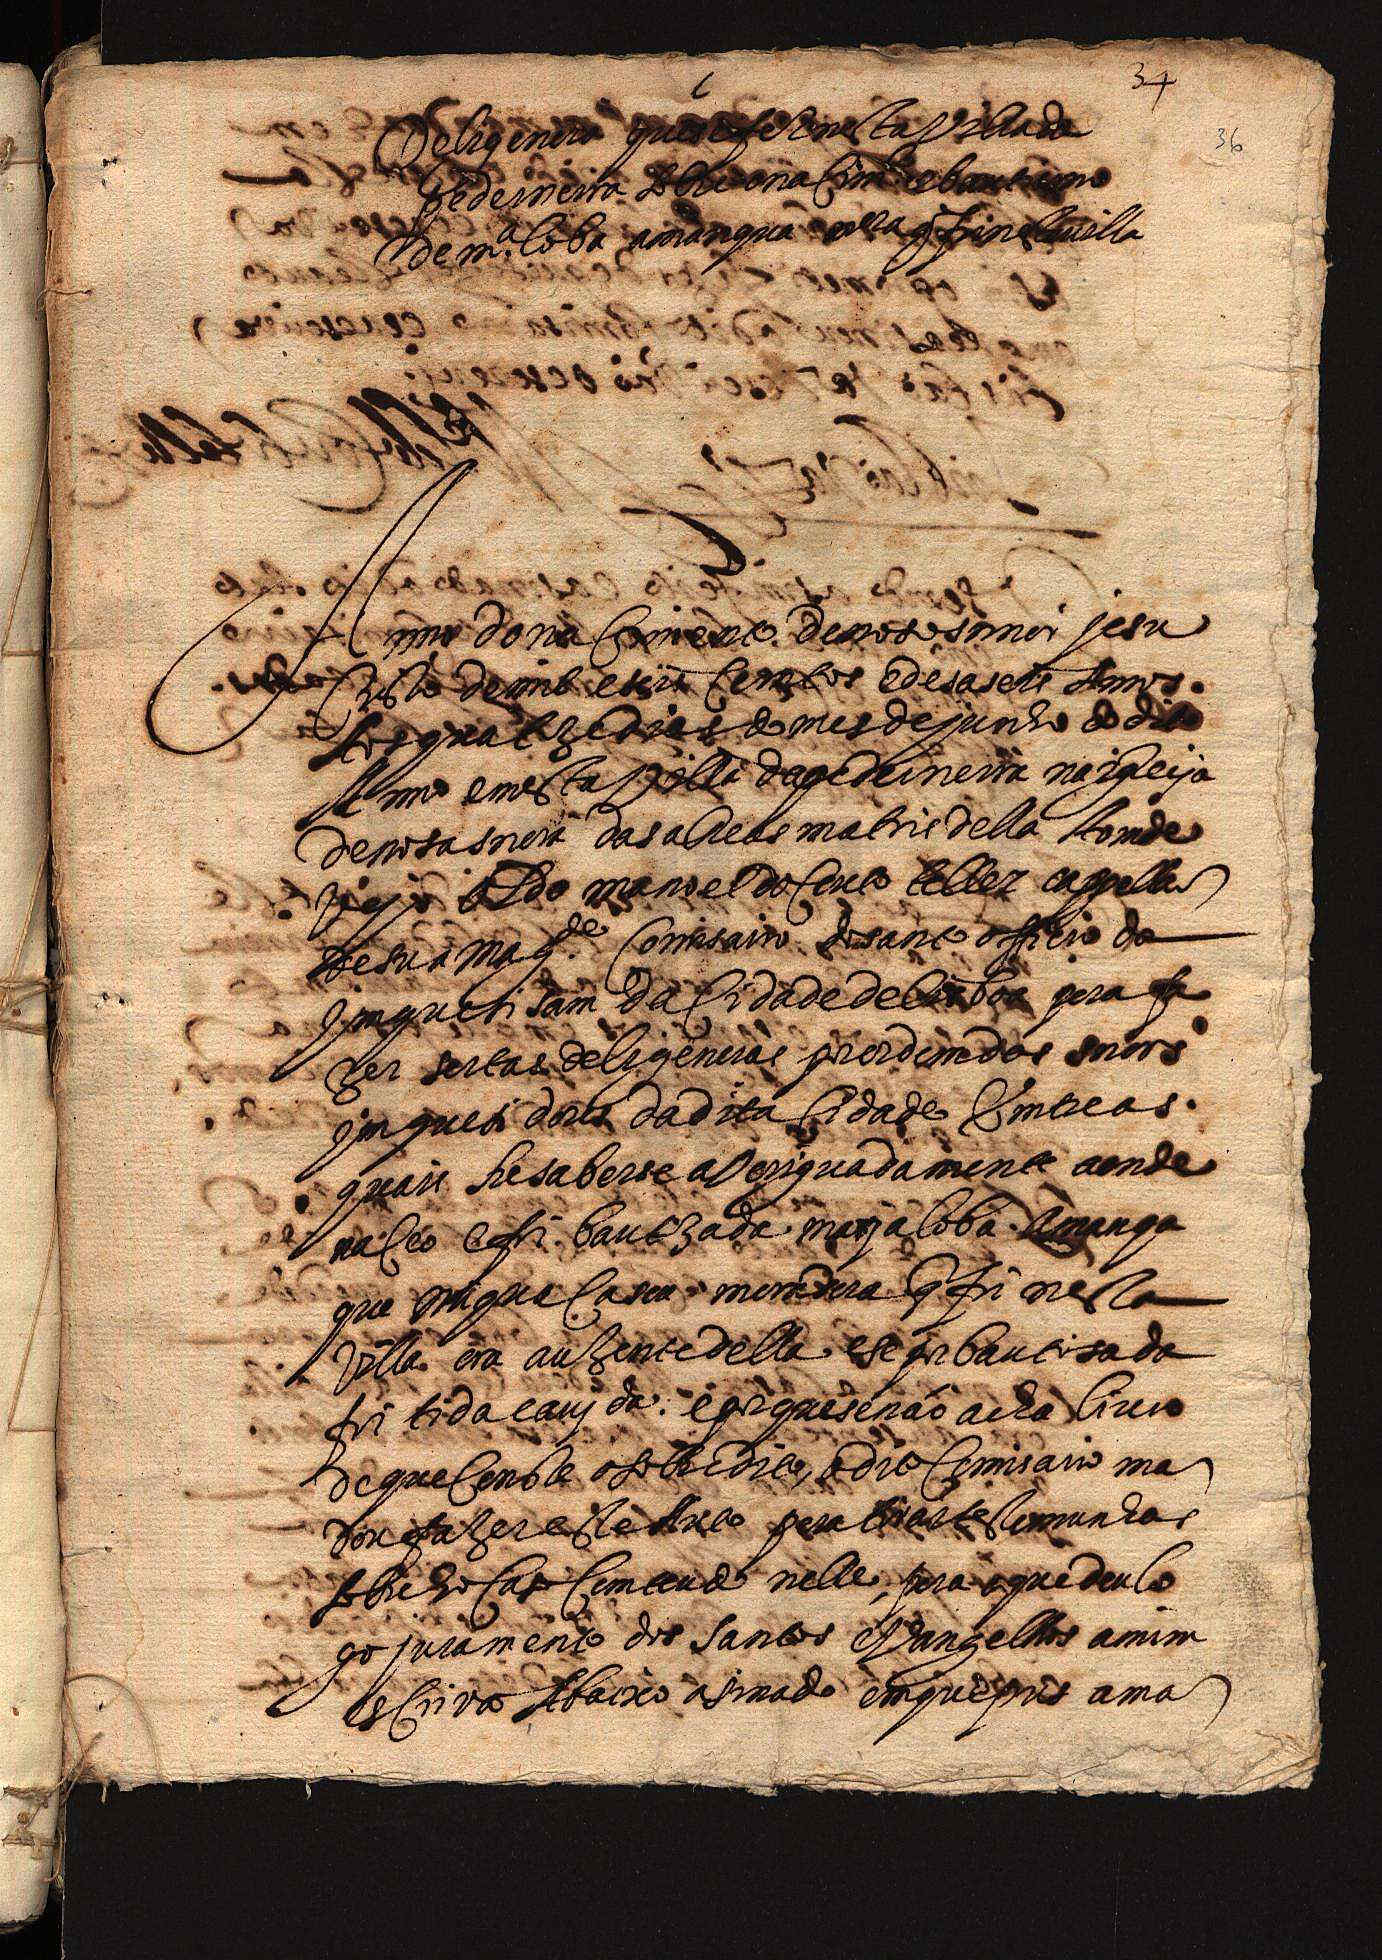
Deligencia que se fez nesta Villa da
pederneira sobre o naCim.to e bautismo
de ma. loba a manqua mra q̄ foi nesta uilla
Anno do naCimento de noso snnor jesu
Christo de mil e seisCemtos e desasete Annos
Aos quatorze dias do mes de junho do dito
Anno em esta Villa da pederneira na igreija
de nosa snora das aReas matris della Aomde
Vejo O Ldo manoel do Couto tellez cappelaõ
de sua mag.de Comisairo do santo officio da
Jmquisisam da Cidade de lisboa pera fa
zer sertas deligencias por ordem dos snors
jmquisidores da dita Cidade &mtre as.
quais he saberse aVeriguadamente aonde
naCeo e foi bautizada marja loba a manqa
que nuqua Casou moradora q̄ foi nesta
Villa era auzente della. e se por bautisada
foi tida e aujda. e porque se naõ acha liuro
de que Conste o sobredito, o dito Comisario ma
dou fazer este Auto pera tirar testemunhas
sobre ho Caso Comteudo nelle, pera o que deu lo
go juramento dos santos eVangelhos a mim
esCrivaõ Abaixo asinado em que pus a ma
